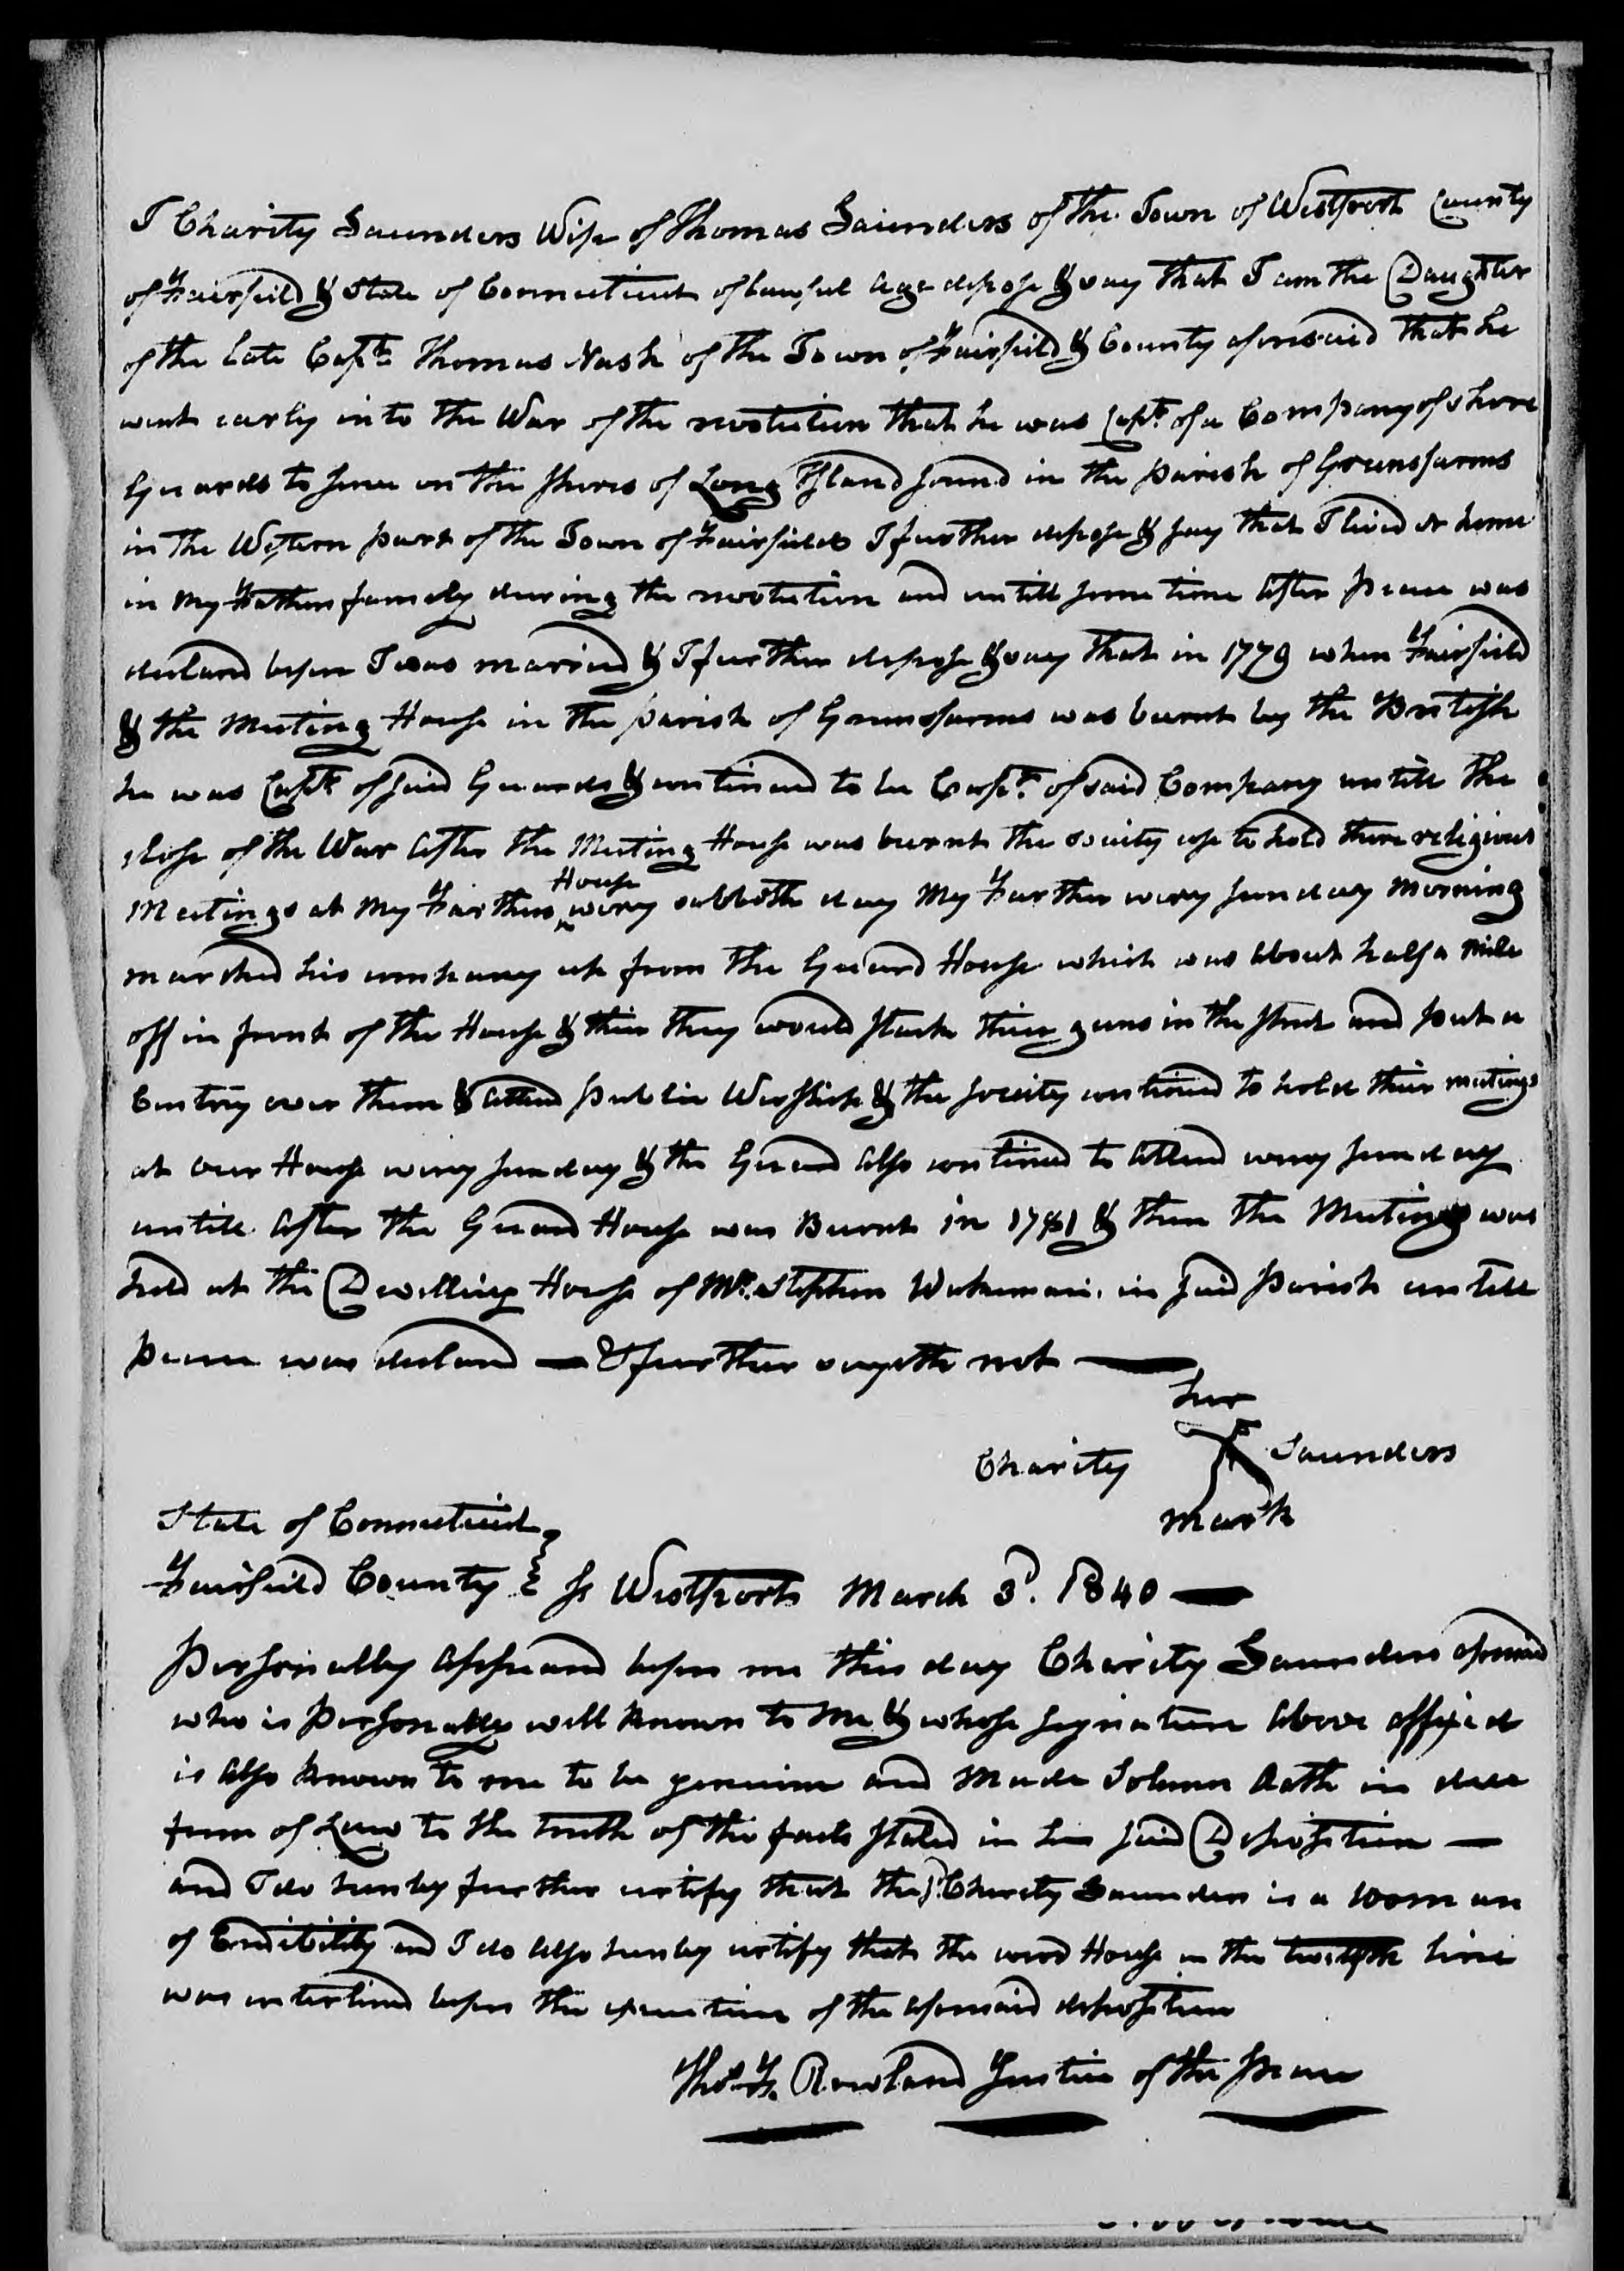I Charity Saunders wife of Thomas Saunders of the Town of Westport County
of Fairfield & State of Connecticut of lawful age depose & say that I am the Daughter
of the late Capt Thomas Nash of the Town of Fairfield & County aforesaid that he
went early into the War of the revolution that he was Capt of a Company of shore
Guards to serve on the shores of Long Island Sound in the Parish of Greensfarms
in the Western part of the Town of Fairfield I further depose & say that I lived at home
in my fathers family during the revolution and untill some time after peace was
declared before was married & I further depose & say that in 1779 when Fairfield
& the Meeting House in the parish of Greensfarms was burnt by the British
he was Capt of said Guard & continued to be Capt of said Company untill the
close of the war After the Meeting House was burnt the [illegible] use to hold there religious
meetings at my fathers house every sabbath day My Father every Sunday morning
marched his company up from the Guard House which was about half a mile
off in front of the House & their they would stack their guns in the yard and [illegible]
centry [sentry] over them & attend public Westfield & the county continued to hold their meetings
at our House every Sunday & the Guard also continued to attend every January
untill after the Guard House was burnt in 1781 & then the meeting was
held at the Dwelling House of Mr Stephen Wakeman in said Parish untill
peace was declared. & further sayeth not
Charity Saunders
her mark

State of Connecticut
Fairfield County  
Westport March 3d 1840
personally appeared before me this day Charity Saunders aforesaid
who is personally well known to me & whose signature above affixed
is also known to me to be genuine and made Solemn Oath in due
form of Law to the truth of the facts stated in her said Deposition
and I hereby further certify that the Charity Saunders is a woman
of credibility and I do also hereby certify that the word House the twelfth line
was interlined before the execution of the aforesaid deposition
Thos F. Rowland Justice of the Peace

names: Charity Saunders, Charity Saunders, Charity Saunders, Thos F Rowland, Stephen Wakeman, Charity Saunders, Thomas Nash, Thomas Saunders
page: 34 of 69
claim: widow's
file: W. 25562, Abijah Elwood, Conn.